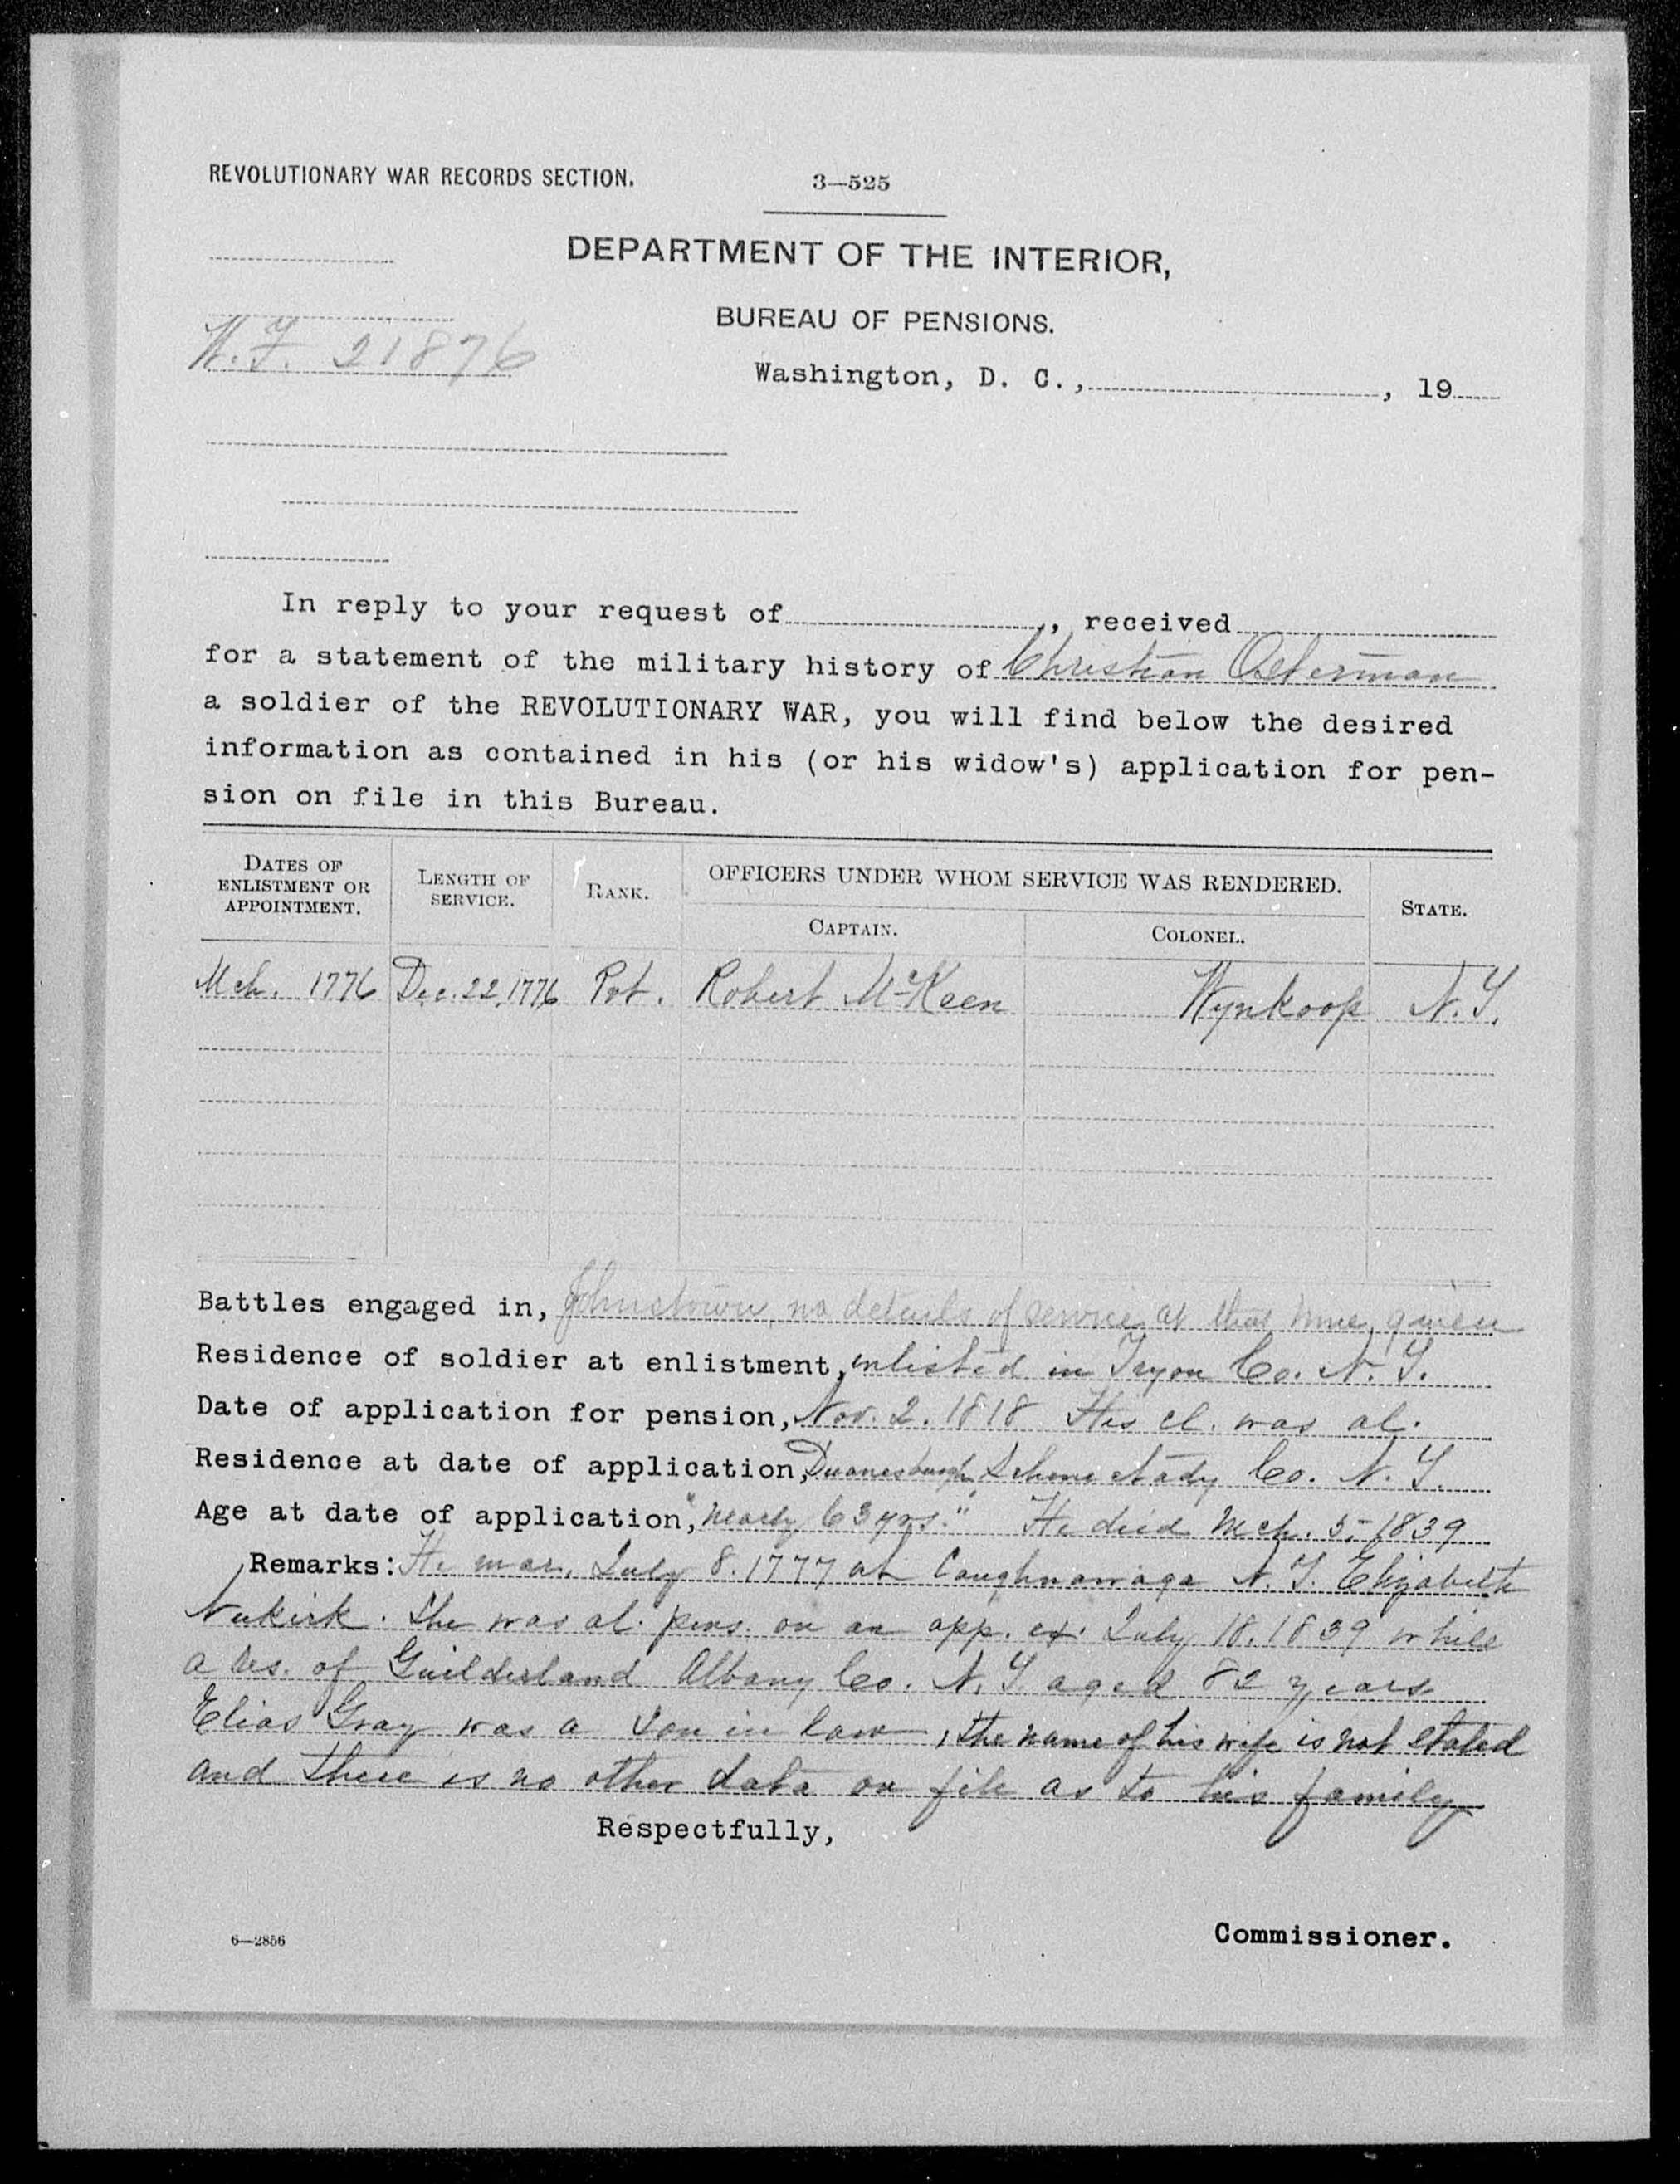Revolutionary War Records Section. 
3-525

Department of the Interior, 
Bureau of Pensions. 
Washington, D.C. ,   19 

W.F. 21876

In reply to your request of     , received  for a statement of the military history of Christian Osterman a soldier of the REVOLUTIONARY WAR, you will find below the desired information as contained in his (or his widow's ) application for pension on file in this Bureau

Dates of Enlistment or Appointment 
Mch 1776
Length of Service. 
Dec 22 1776
Rank.
Pvt. 
Officers under whom the Service was Rendered. 
Captain. 
Robert McKeen
Colonel. 
Wynkoop
State 
N.Y.

Battled engaged in, Johnston, no details of service at that time given
Residence of soldier at enlistment, enlisted in Tryon Co. N.Y. 
Date of application for pension, Nov. 2, 1818 Has cl. was al. 
Residence at date of application, Duanesburgh, Schenectady Co. N.Y.
Age at date of application, "nearly 63 yrs." He died Mch 5, 1839
Remarks: He mar. July 8, 1777 at Caughnawaga N.Y. Elizabeth Nukirk. She was al. pens. on an app. ex. July 18, 1839 while a res. of Guilderland Albany Co. N.Y. aged 82 years, Elias Gray was a son in law, the name of his wife is not stated and there is no other data on file as to his family.
Respectfully,
Commissioner. 

6-2856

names: Elias Gray; Elizabeth Nukirk; Robert Mc Keen; Christian Osterman; [BLANK] Wynkoop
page: 39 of 40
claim: widow's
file: W. 21876, for Christian Osterman, New York